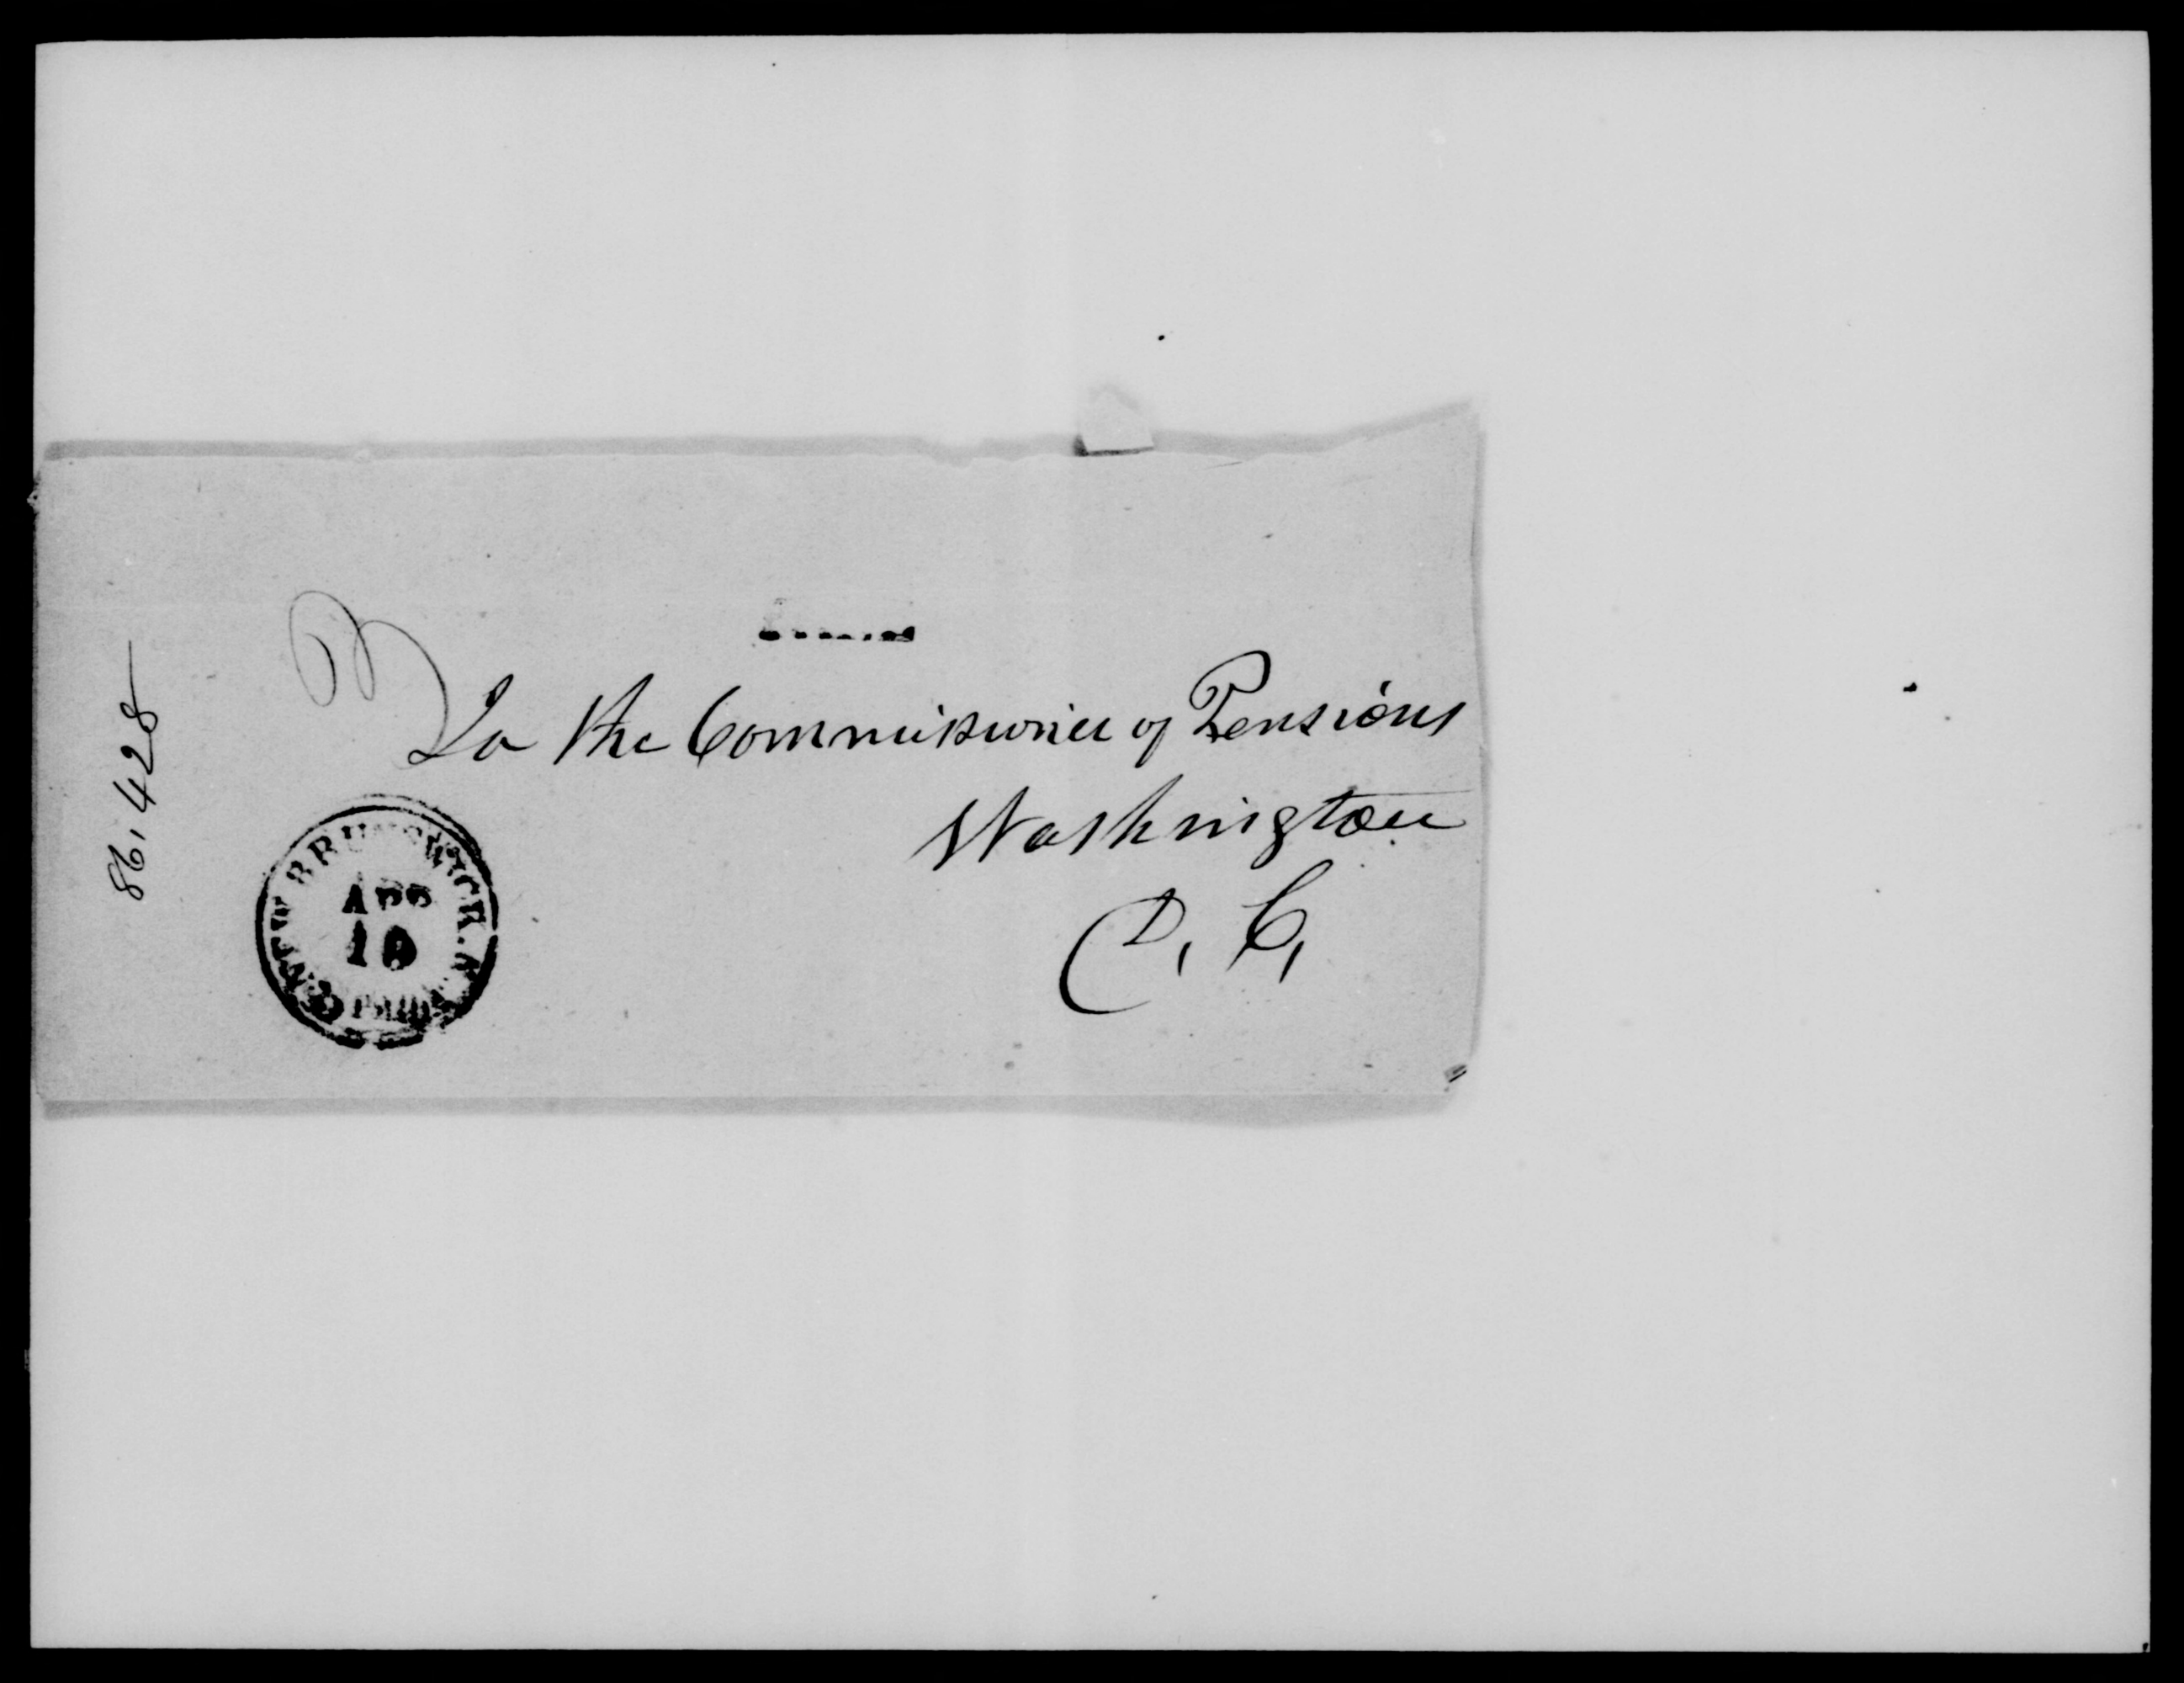86,428

To the Commissioner of Pensions
Washington, D.C.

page: 24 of 46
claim: widow's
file: W. 6205, for John Slover, New Jersey